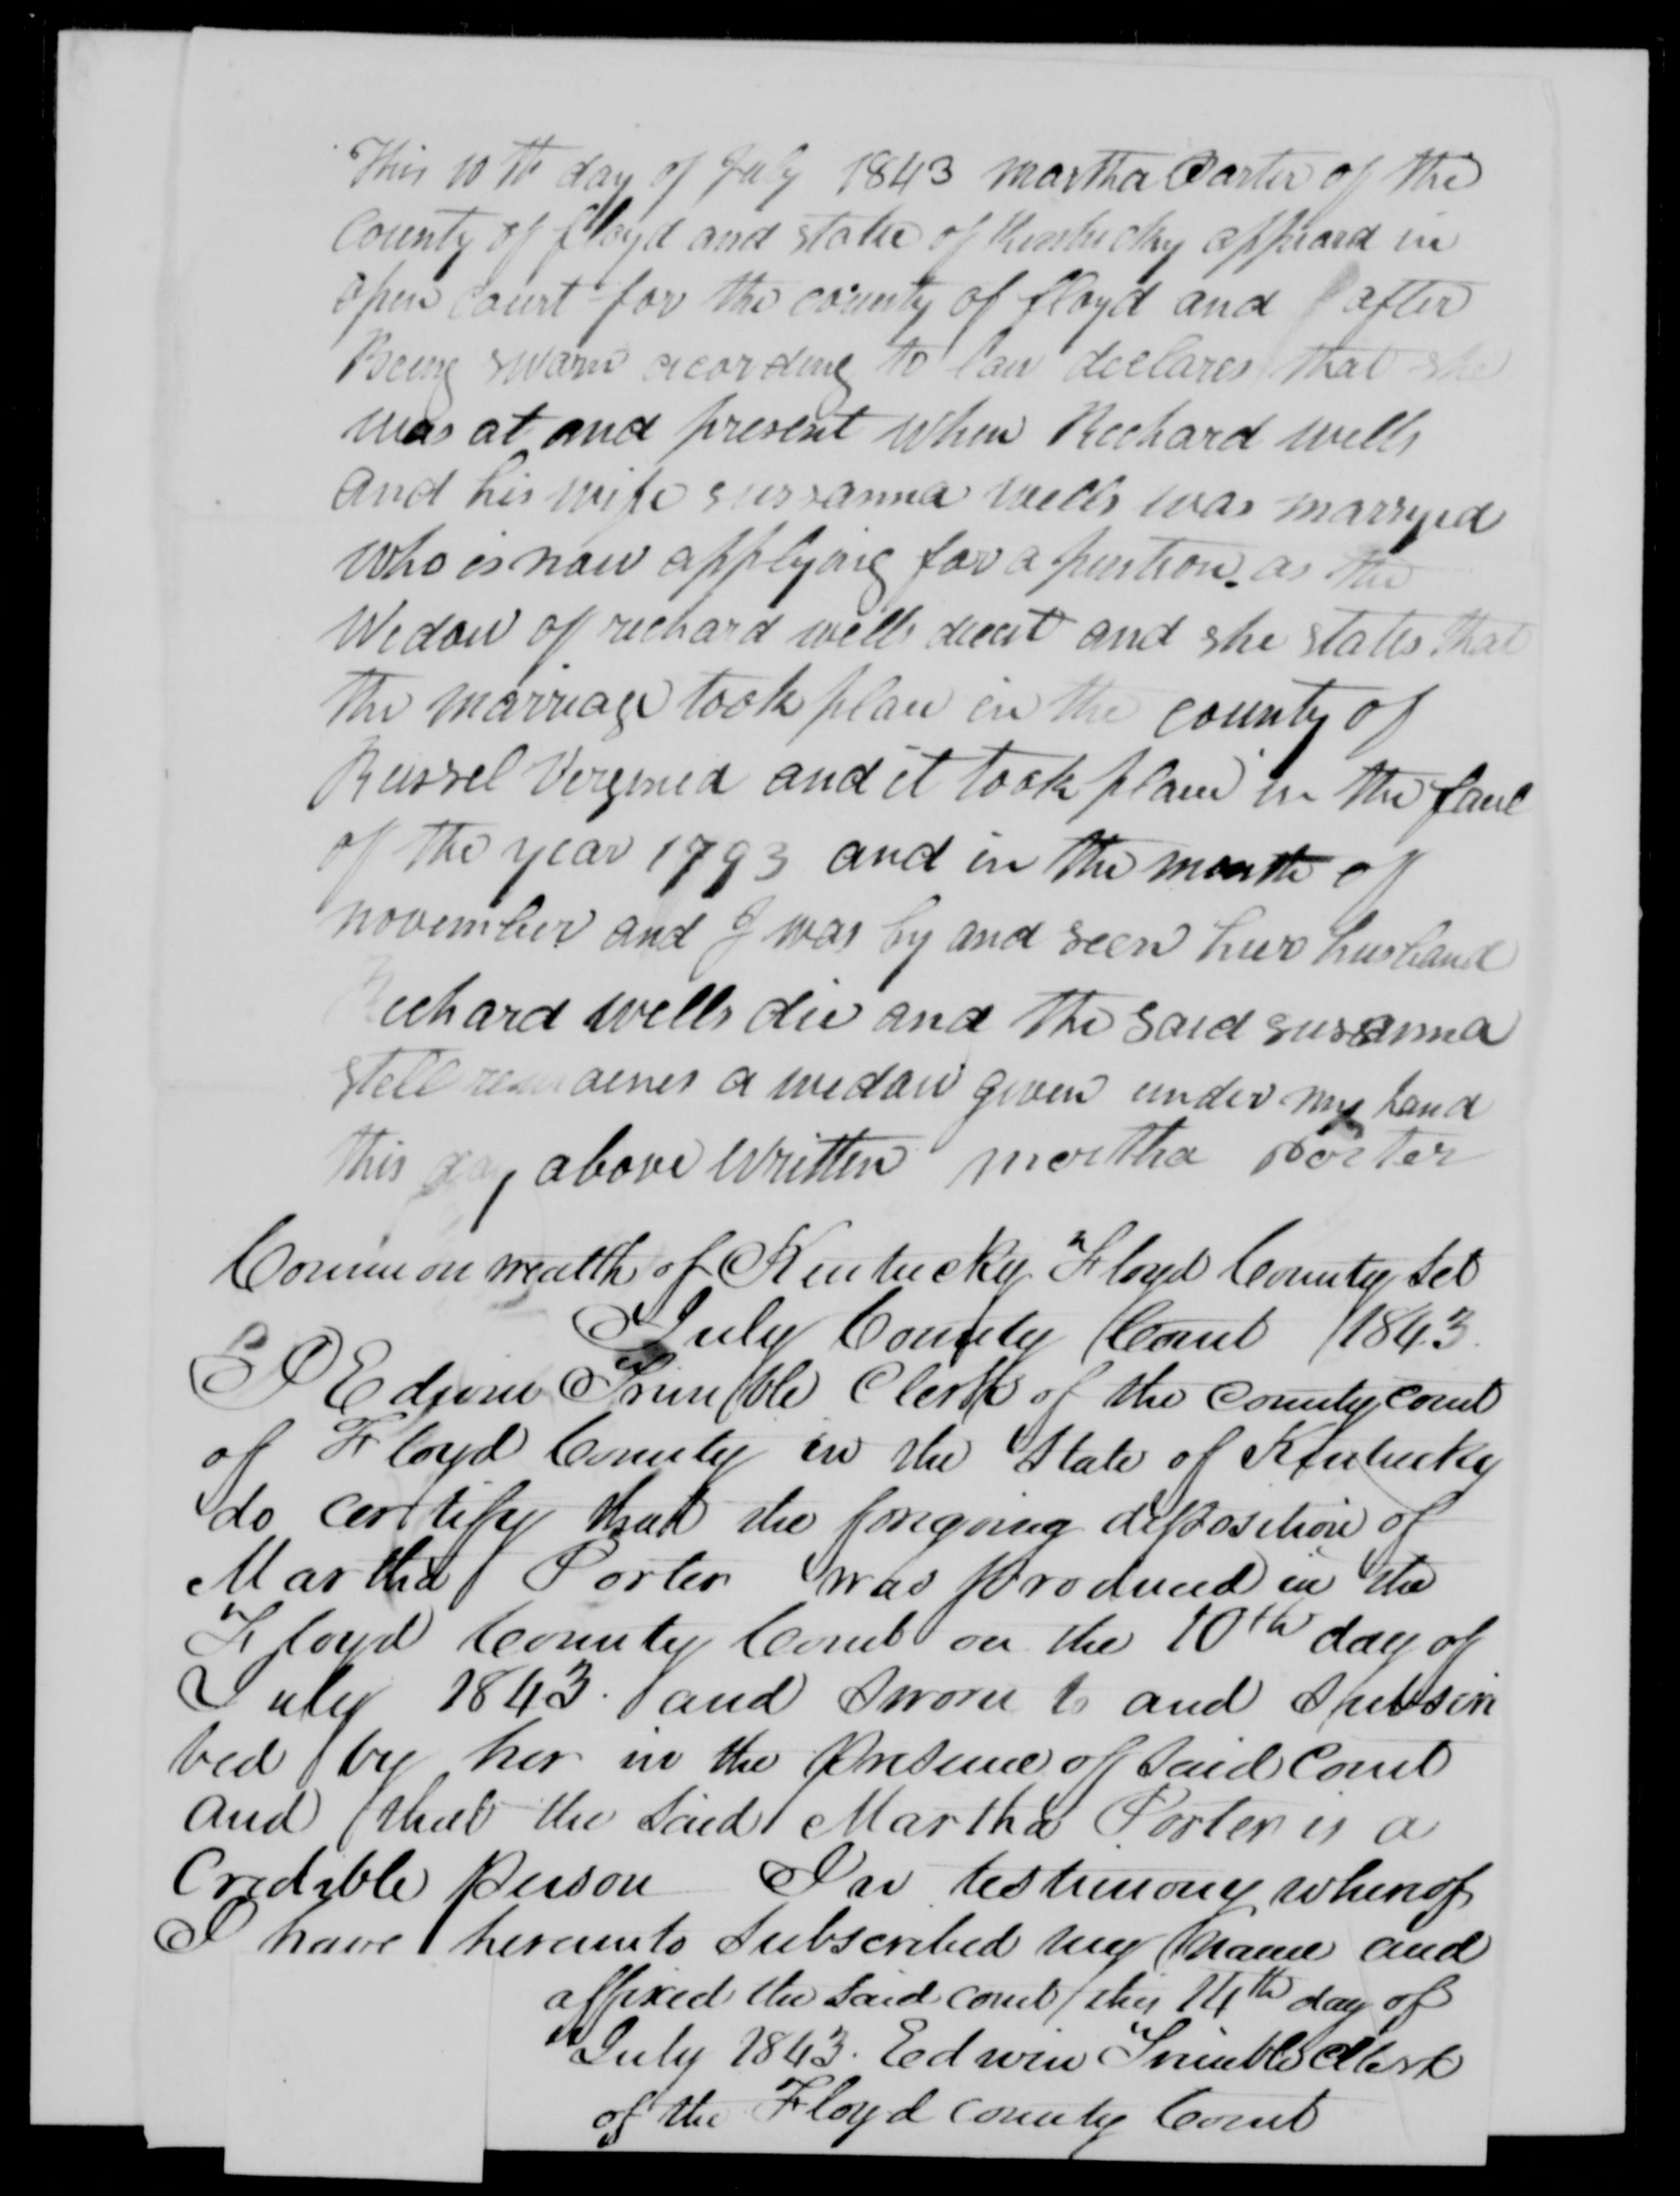This 10th day of July 1843 Martha Porter of the
County of Floyd and State of Kentucky appeared in
open Court for the County of Floyd and after
being sworn according to law declares that she
was at and present when Richard Wells
and his wife Susanna Wells was marryed
who is now applying for a pention as the
Widow of Richard Wells decest and she states that the
marriage took place in the County of
Russell Virginia and it took place in the fall
of the year 1793 and in the month of
November. And I was by and seen her husband
Richard Wells die and the said Susanna
she remains a widow given under my hand,
this day above written. Martha Porter

Commonwealth of Kentucky Floyd County Set
July County Court 1843
I Edwin Trimble Clerk of the County Court of
Floyd County in the State of Kentucky do
certify that the foregoing deposition of
Martha Porter was produced in the
Floyd County Court on the 10th day of
July 1843 and sworn to and subscribed
by her in the presence of said Court.
And the said Maria Porter is a
credible person. In testimony whereof
I have hereunto subscribed my name and
affixed the said Court this 14th day of
July 1843. Edwin Timble Clerk
of the Floyd County Court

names: Martha Porter, Edwin Trimble, Richard Wells, Sussanna Wells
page: 78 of 100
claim: widow's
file: W. 6437, Richard Wells, Ga Va.